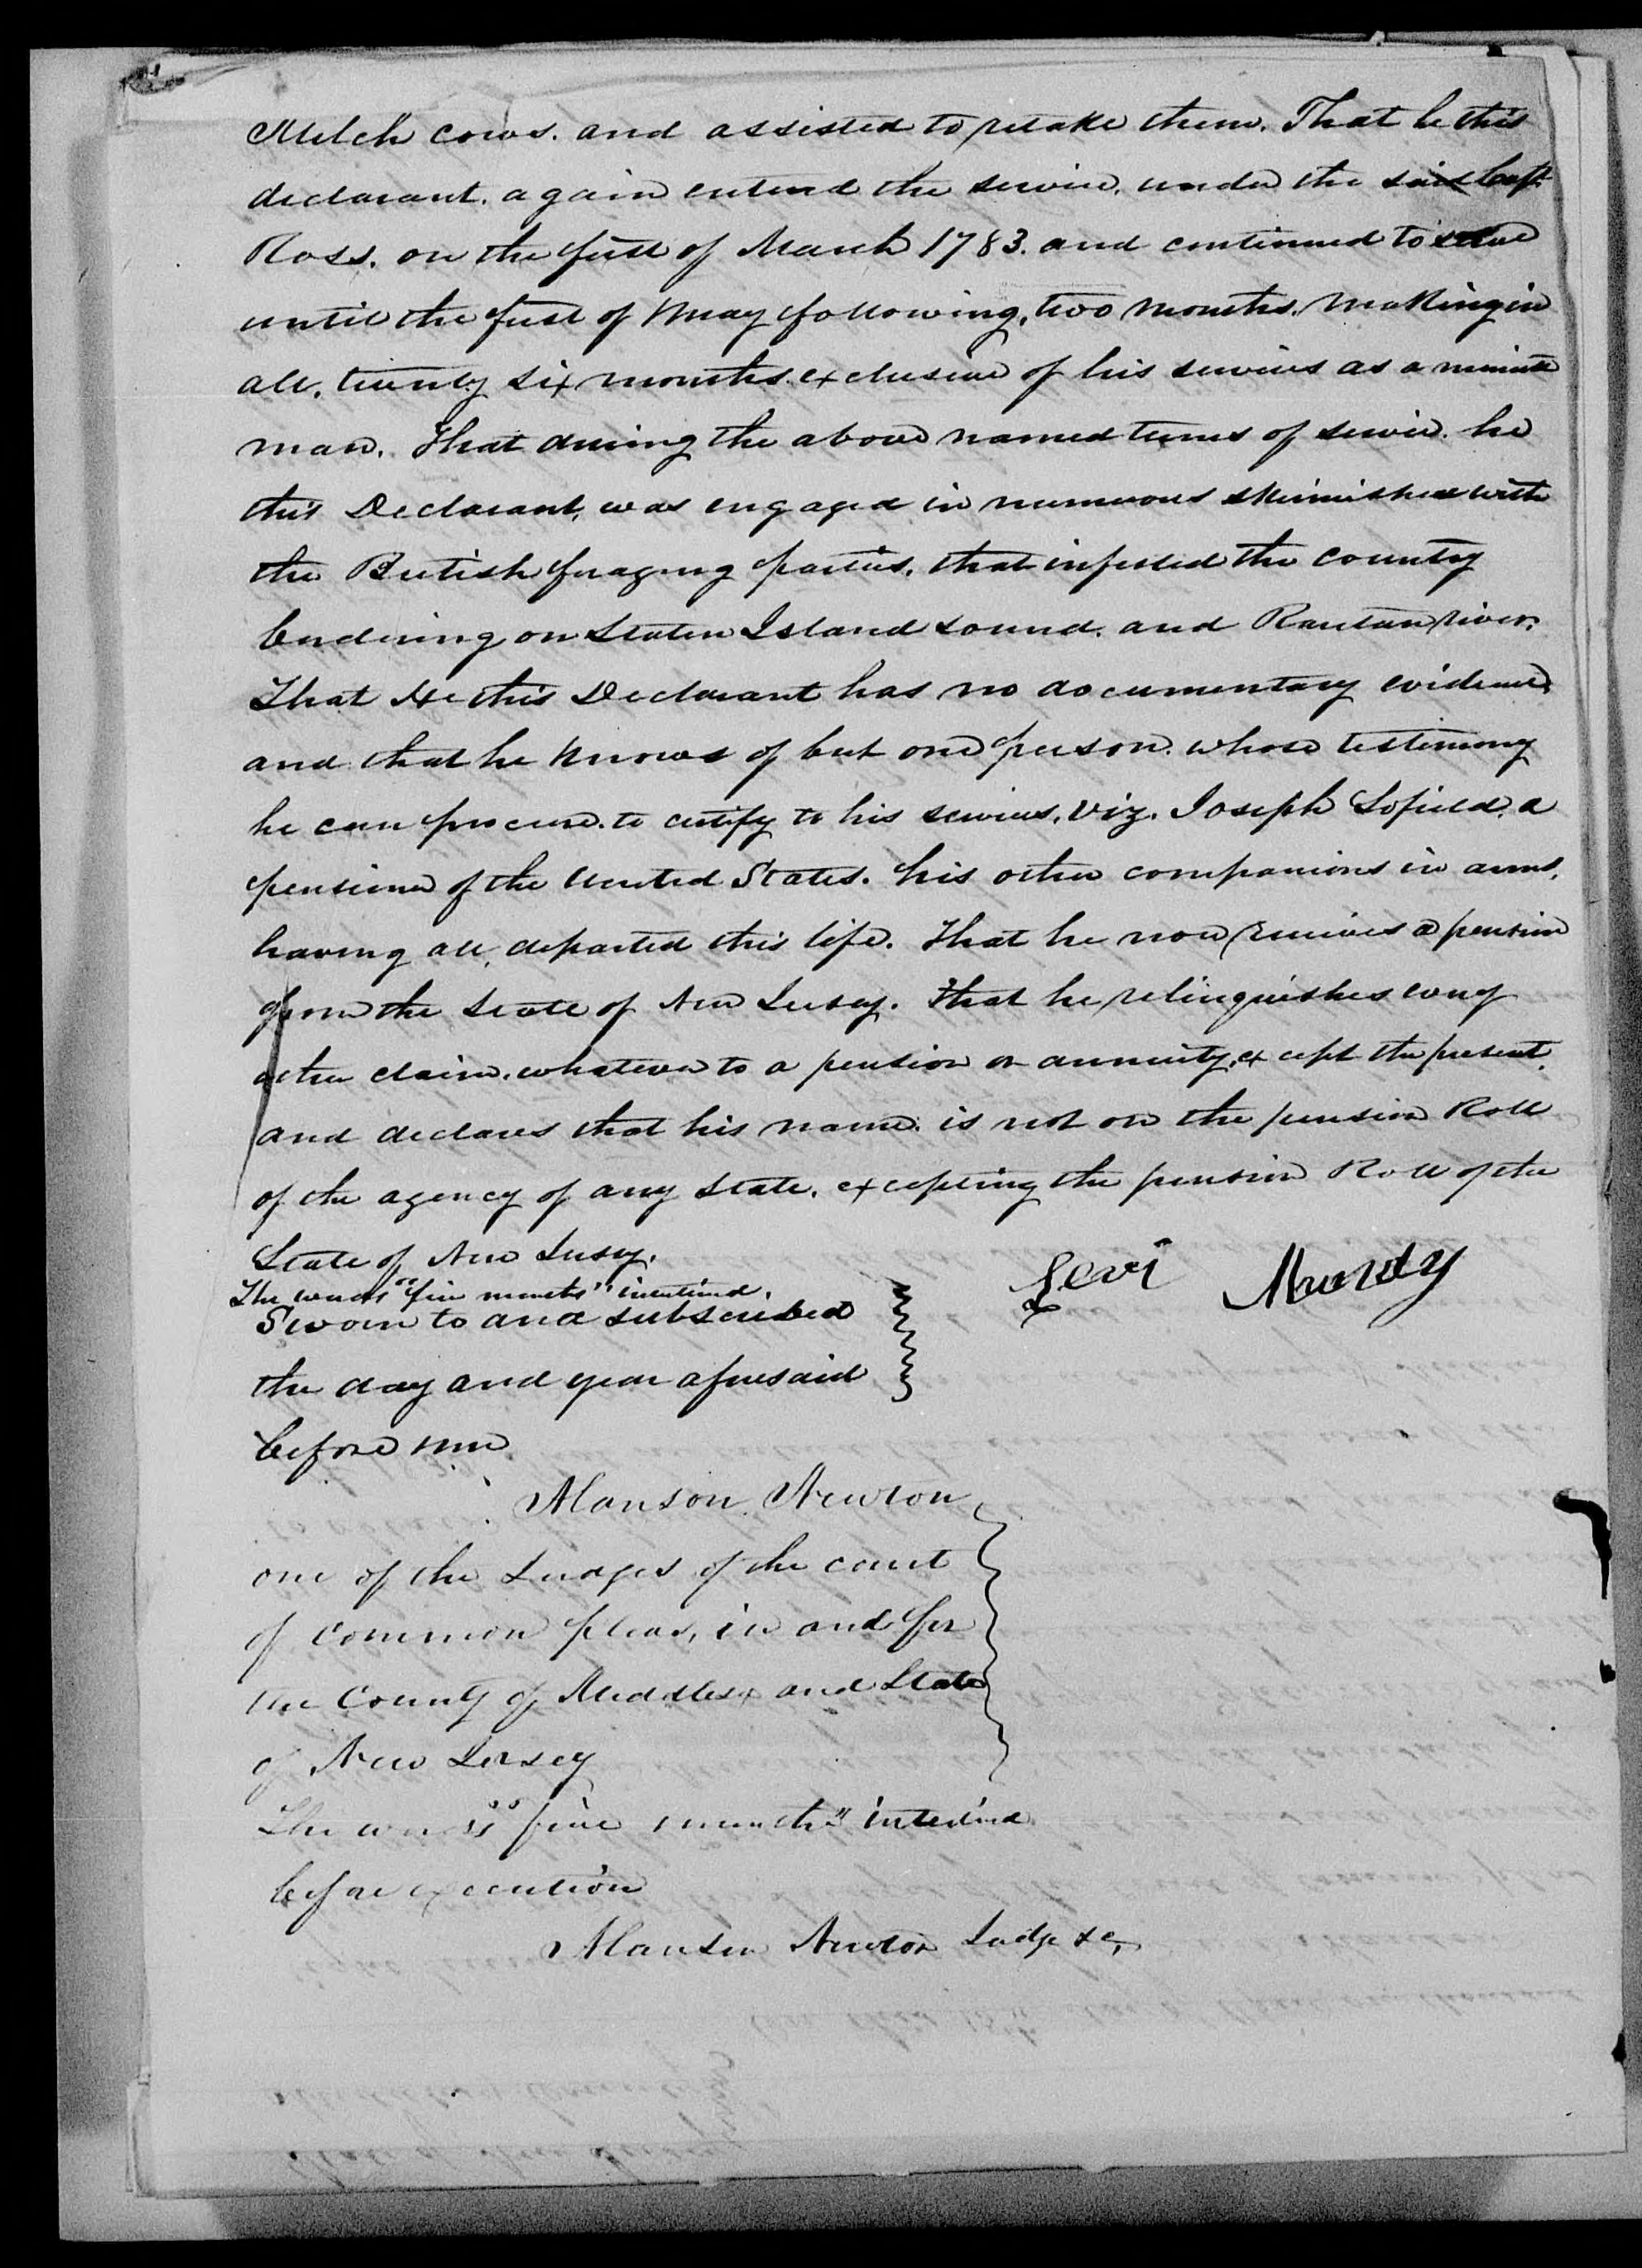...Milch cows [Dairy cows] and assisted to retake them. That he, this declarant again entered the service, under the said Capt. Ross on the first of March 1783, and continued to serve until the first of May following, two months, making in all Twenty six months exclusive of his services as a Minuteman. That during the above named terms of service he, this declarant, was engaged in numerous skirmishes with the British foraging parties that infested the country, bordering on Staten Island Sound and Raritan River.

That he, this declarant, has no documentary evidence and that he knows of but one person whose testimony he can procure to certify to his services, viz.: Joseph Sofield, a pensioner of the United States. His other companions in arms having all departed this life. That he now receives a pension from the State of New Jersey. That he relinquishes every other claim whatever to a pension or annuity except the present and declares that his name is not on the Pension Roll of the agency of any State, excepting the Pension Roll of the State of New Jersey. The words "five months" underlined (sp.)
s/ Levi Mundy

Sworn to and subscribed the day and year aforesaid before me, Alanson Newton, one of the Judges of the Court of Common Pleas in and for the County of Middlesex and State of New Jersey. The words "five months" underlined (sp.) before execution.

s/ Alanson Newton, Judge &c.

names: Levi Mundy; [BLANK] Ross; Joseph Sofield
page: 5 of 95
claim: survivor's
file: S 2889, for Levi Mundy, New Jersey